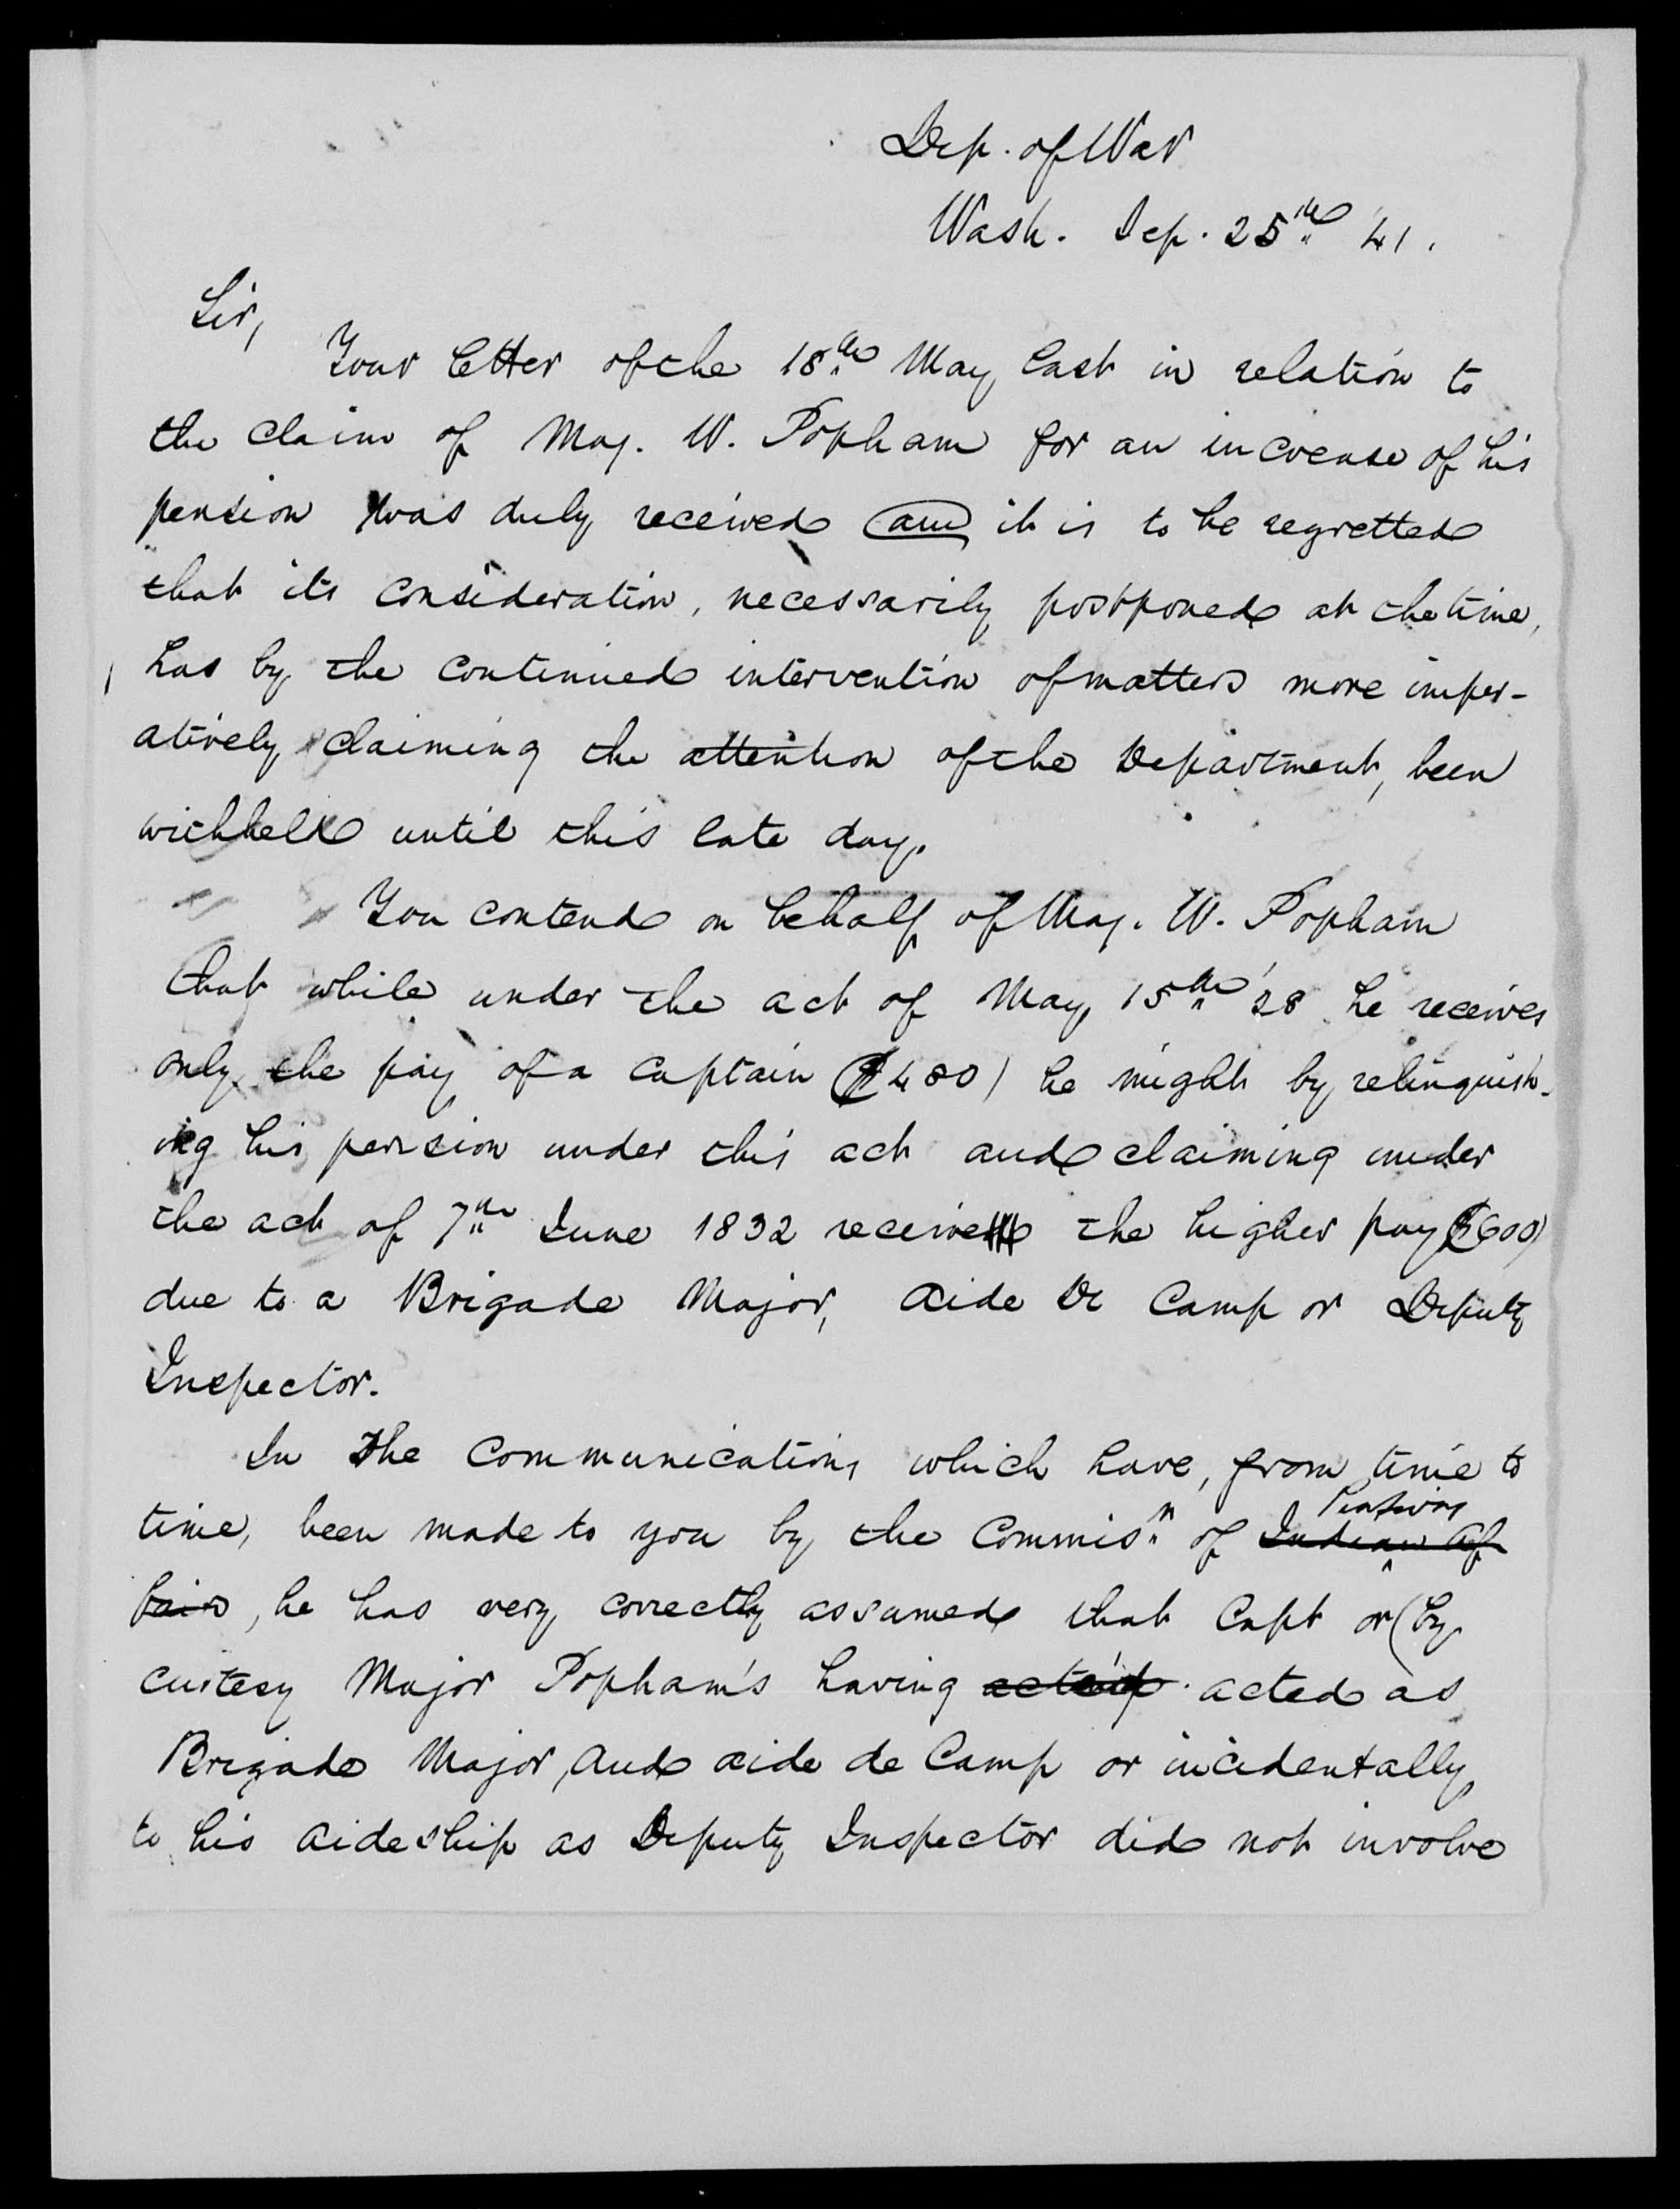Dep. of War
Wash. Sep. 25th 41.
Sir,
Your letter of the 18th May last in relation to
the claim of Mj W. Popham for an increase of his pension was duly received and it is to be regretted that its consideration, necessarily postponed at the time
has by the continued intervention of matters more imperatively
claiming the attention of the Department, been
withheld until this late day.
You contend on behalf of Maj. W Popham
that while under the act of May 15th 28 he receives only the pay of a Captain ($480) he might by relinquishing his pension under this act and claiming under the
act of 7th June 1832 receive[d- crossed out] the higher pay ($600)
due to a Brigade Major, Aide de Camp or Deputy
Inspector.
In the communications which have, from time to
time, been made to you by the Commis^n of ^Pensions [Indian affairs- crossed out], he has very correctly assumed that Capt or (by
curtesy Major Popham's having [illegible = crossed out] acted as Brigade Major, and aid de Camp or incidentally
to his aideship as Deputy Inspector did not involve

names: W Popham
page: 33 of 75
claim: survivor's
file: S. 9989, for William Popham, Delaware